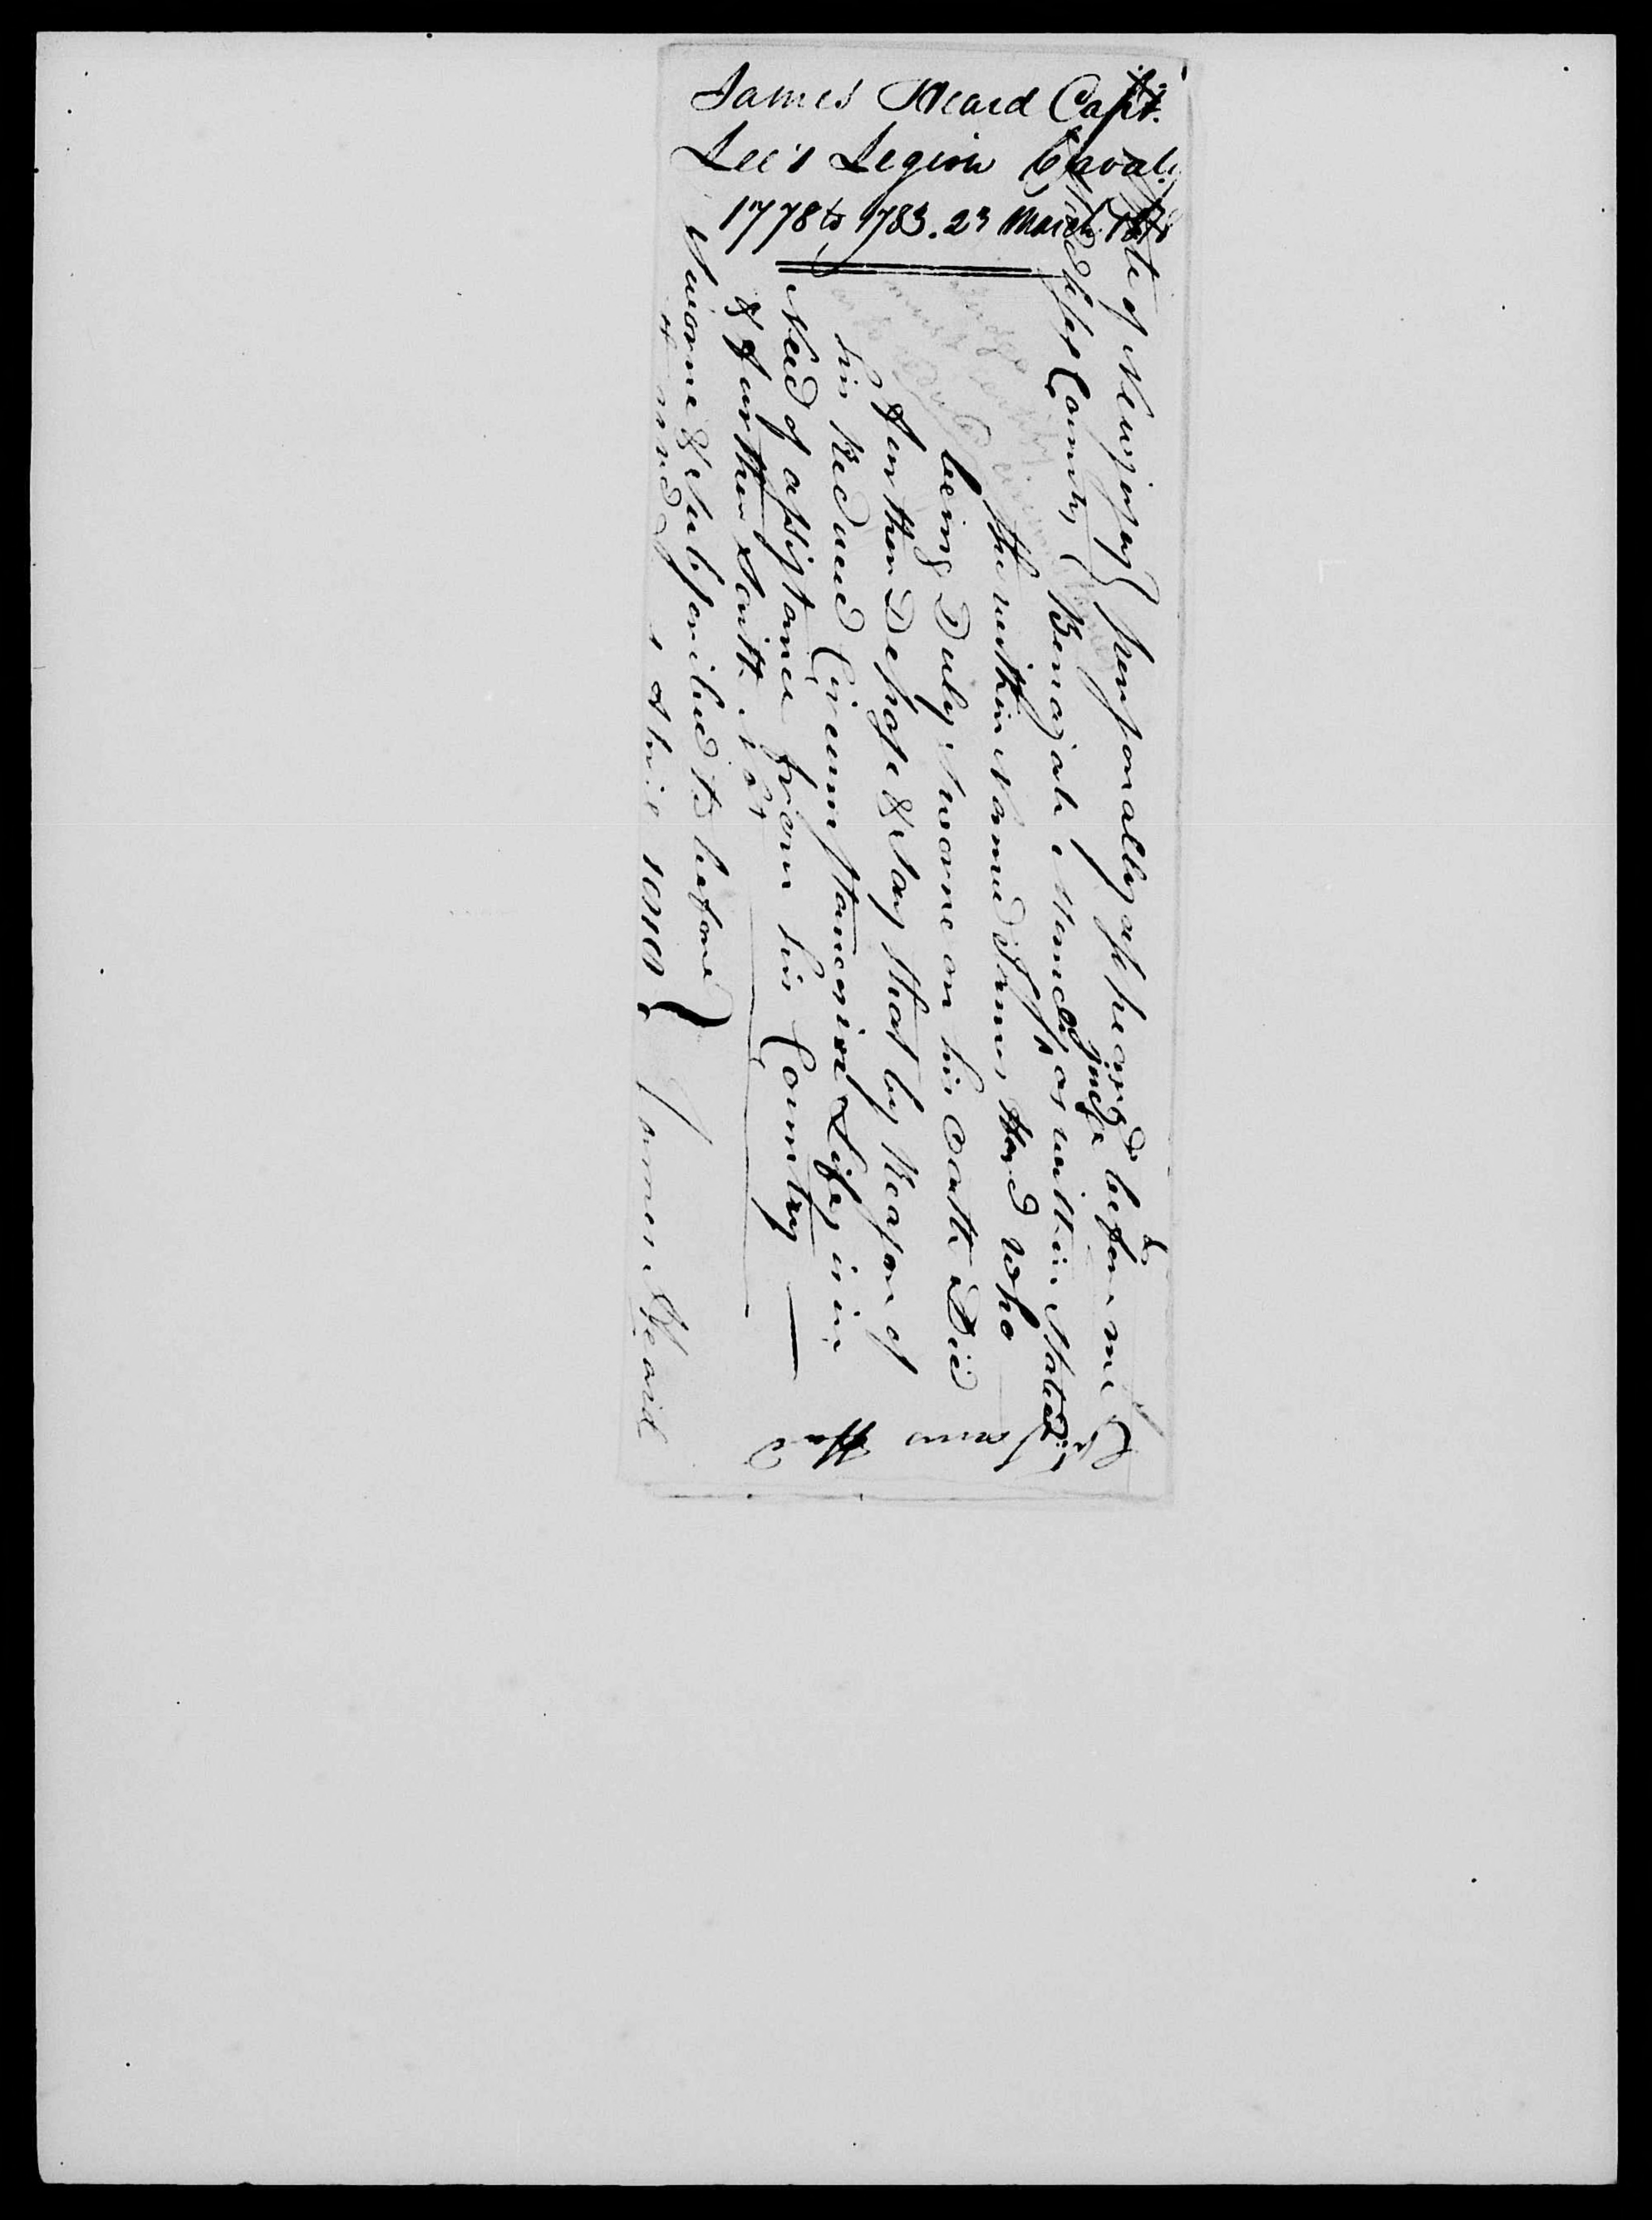James Heard Capt.
Lee’s Legion 
1778 to 1783 23 March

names: James Heard, James Hard, Benajah Mundy, James Heard, Isaac Hard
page: 5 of 62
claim: survivor's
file: S. 540, James Heard, Continental - New Jersey Residence In 1818